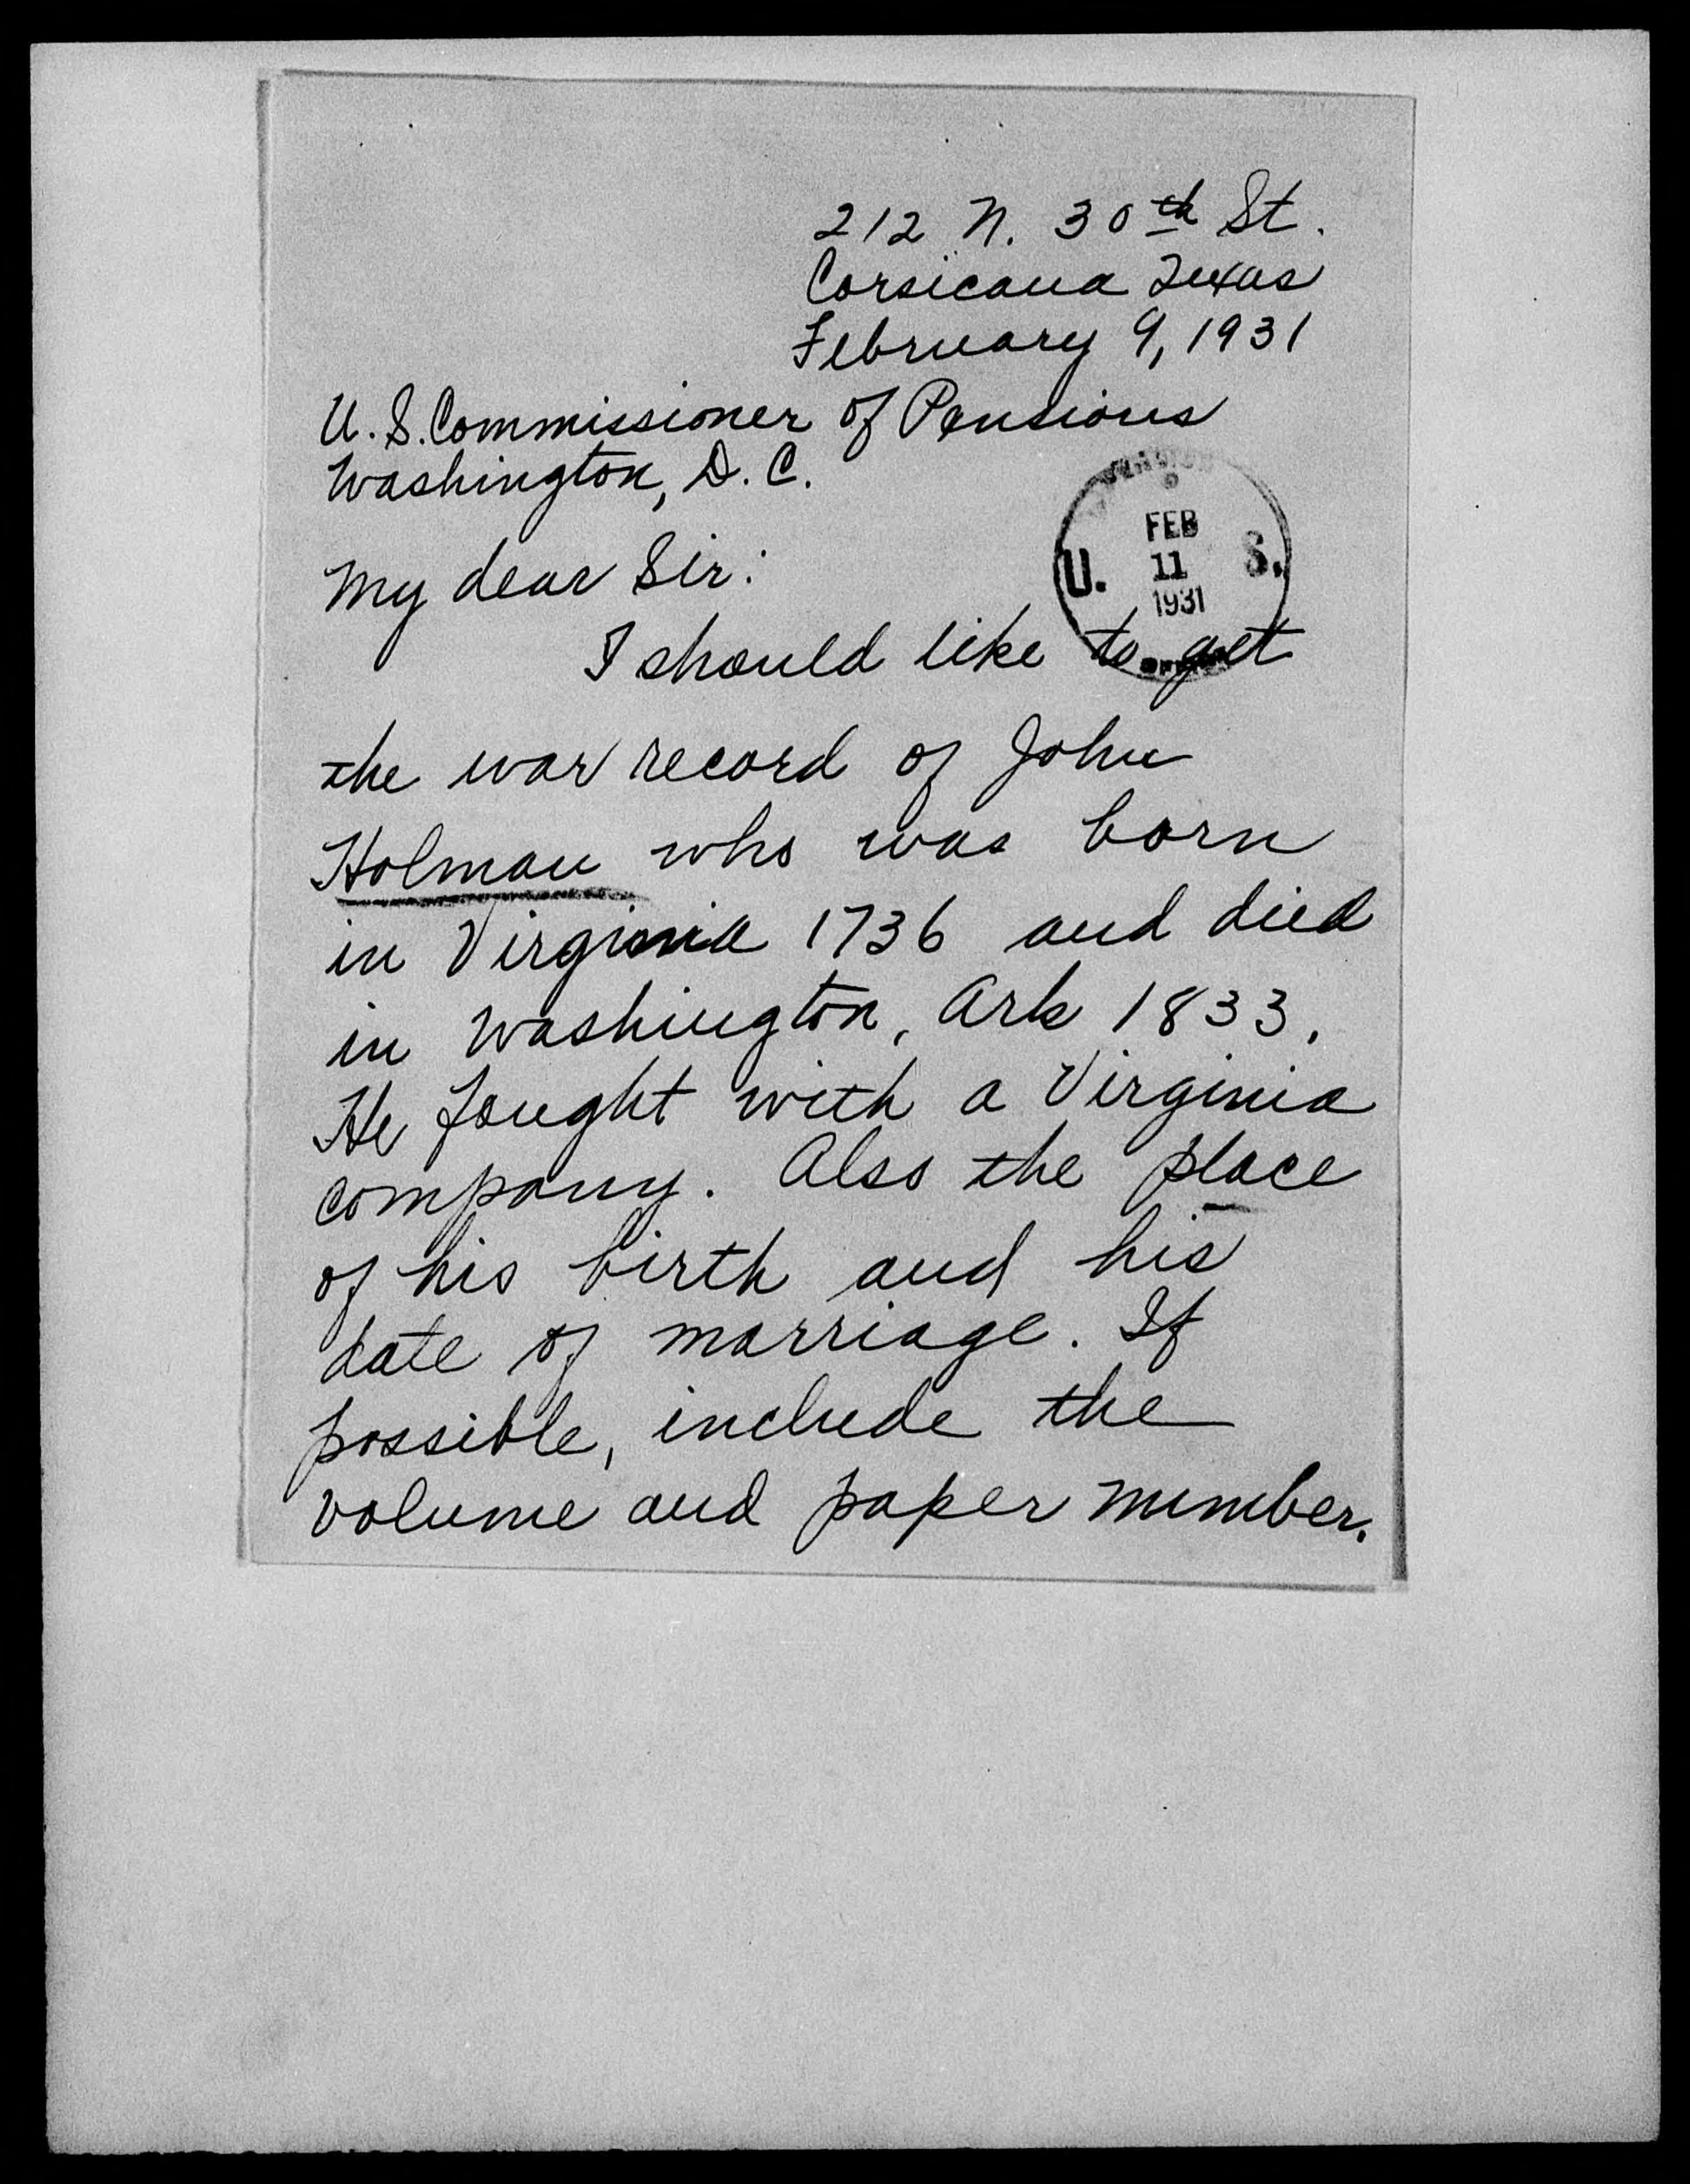212 N 30th St.
Corsicaua Texas
February 9, 1931
U.S. Commissioner of Pensions
Washington, D.C.
My dear Sir:
I should like to get the war record of John Holman
who was born in Virginia 1736 and died in Washington,
Ark 1833. He fought with a Virginia company. Also the 
place of his birth and his date of marriage. If possible,  
Include the volume and paper number.

[round black stamp]
PENSION OFFICE
U.S. FEB 11 1931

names: John Holman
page: 19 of 30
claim: survivor's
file: S. 31753, John Holman, Va.